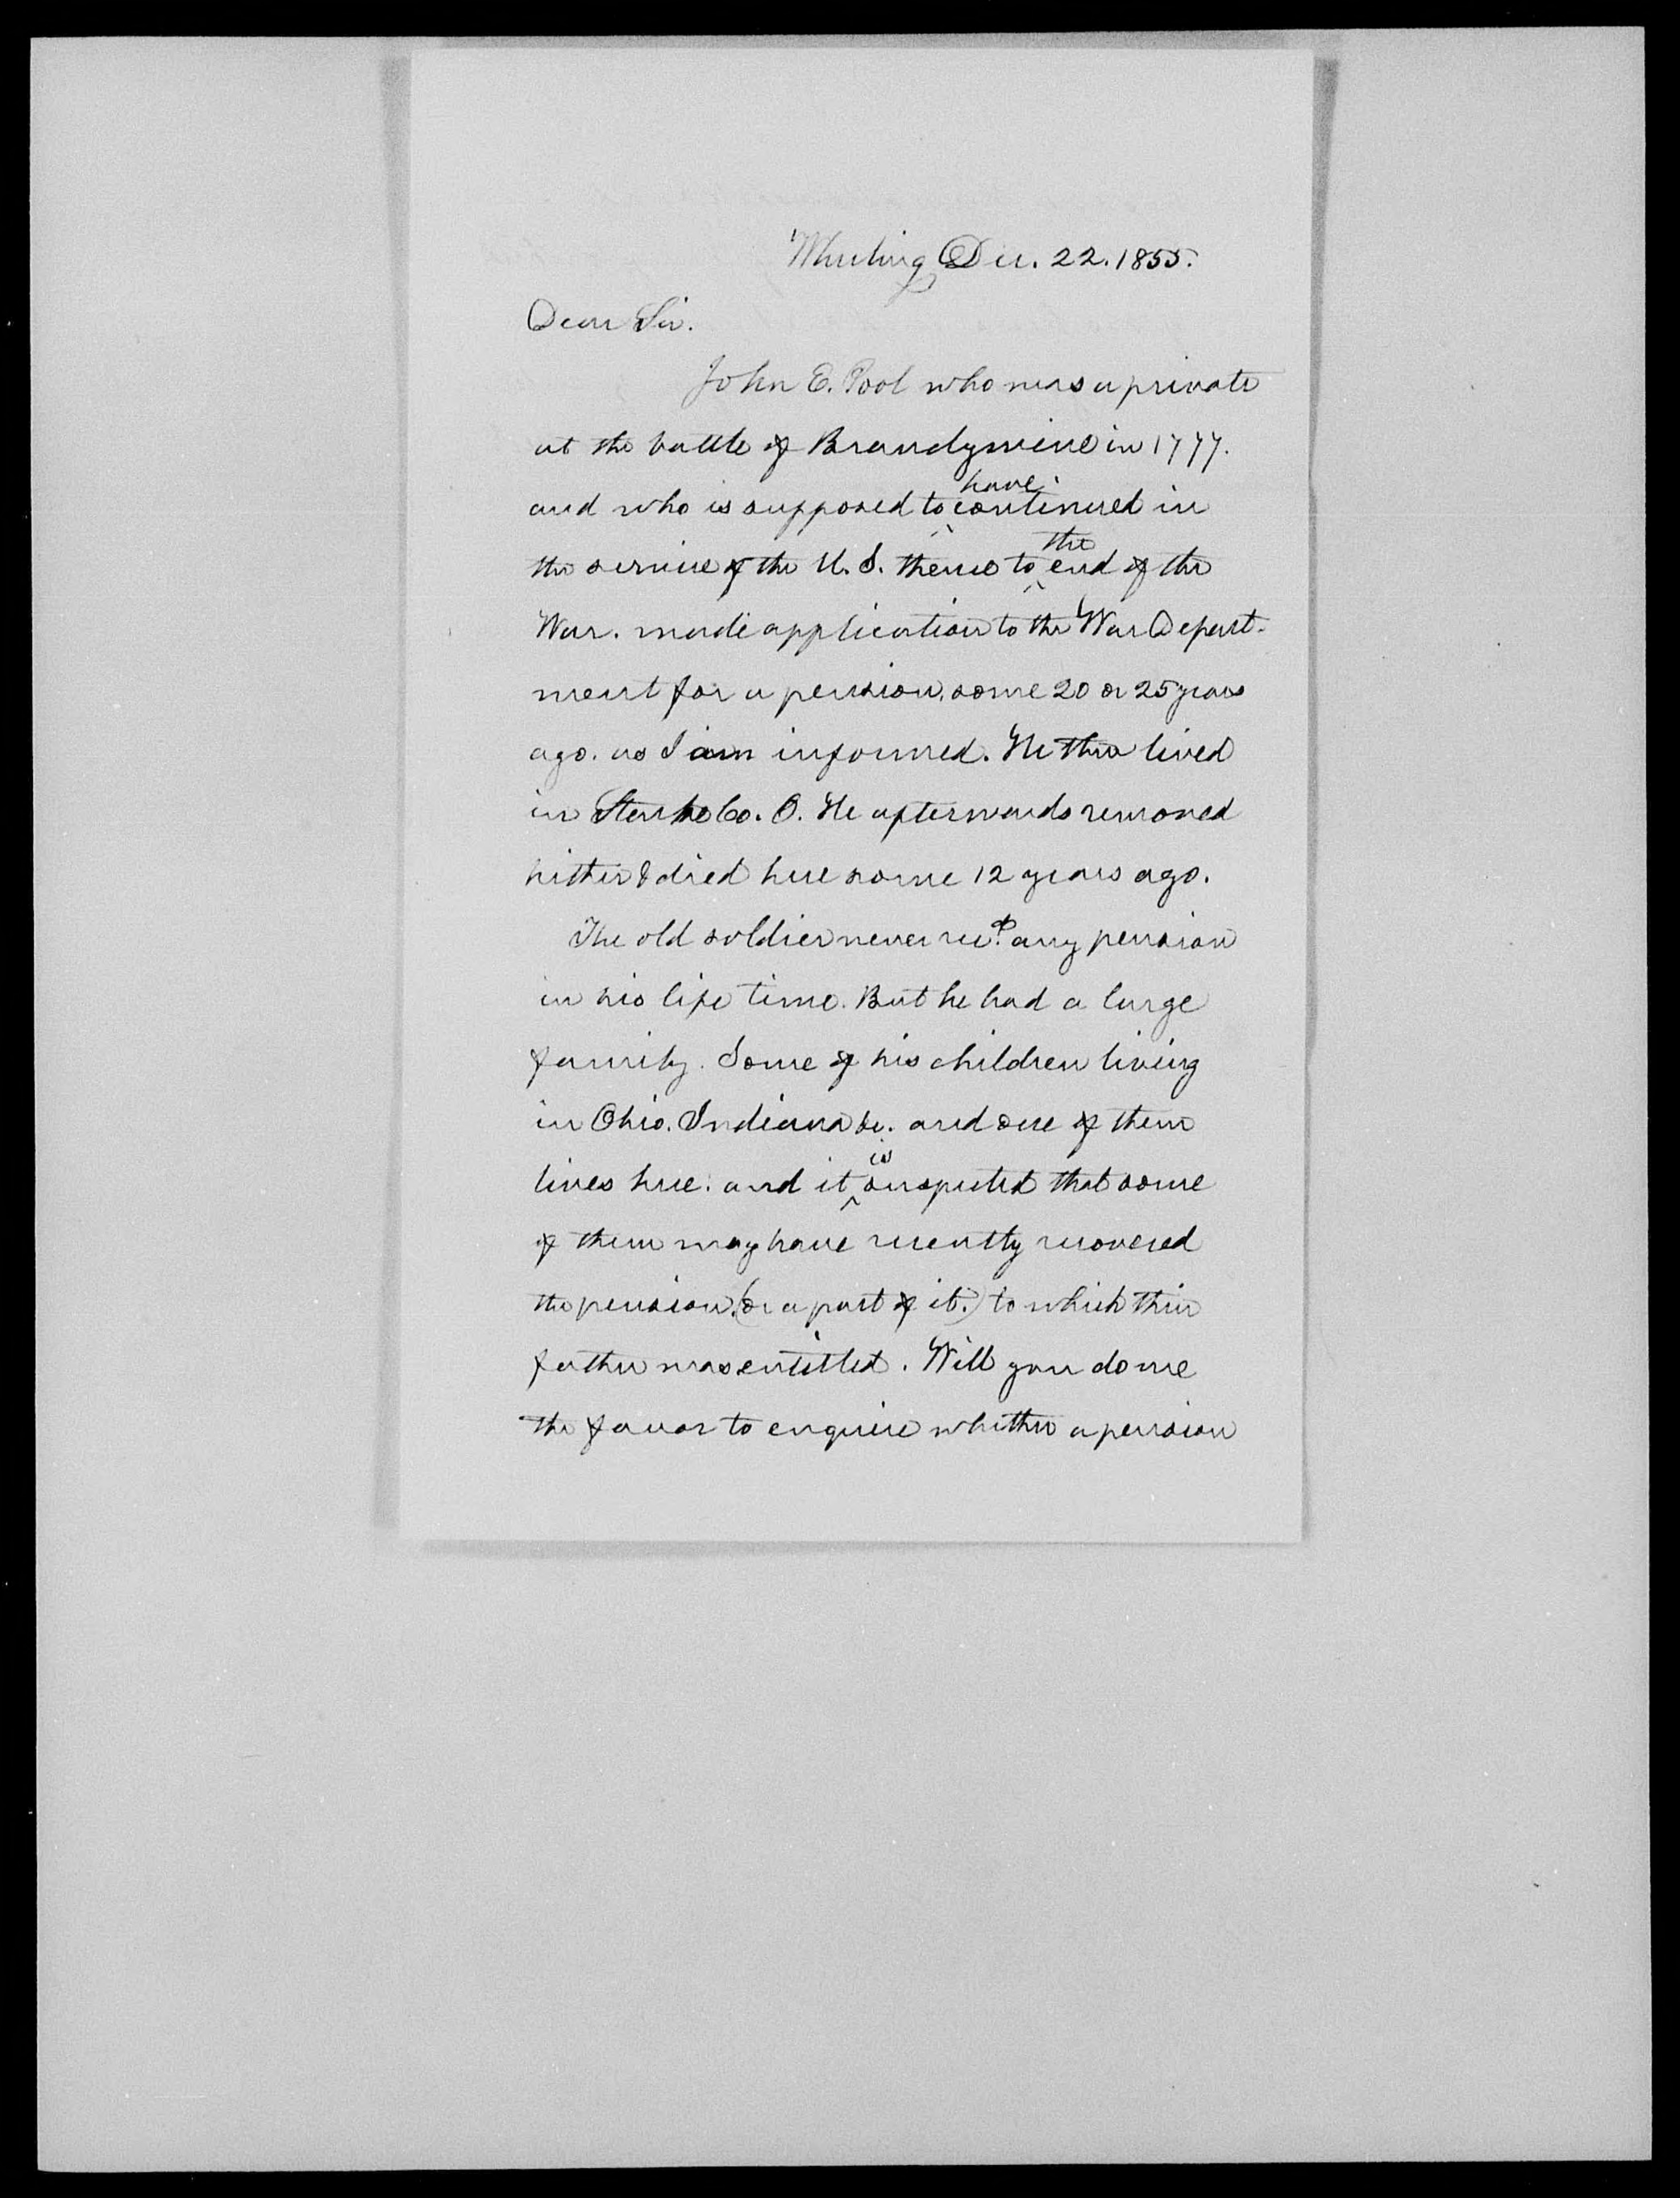Wheeling, Dec. 22. 1855

Dear Sir.

John E. Pool who was a private at the battle of Brandywine in 1777 and who is supposed to have continued in the service of the U.S. ? to the end of the War made application to the War. Department for a pension some 20 or 25 years ago as I am informed. He then lived in Stark Co. O. He afterwards removed hither & died here some 12 years ago.

The old soldier never rec of any pension in his life time.  But he had a large family.  Some of his children living in Ohio, Indiana and some of them lives here and it is disputed that some of them may have recently recovered the pension (or a part of it) to which their father was entitled.  Will you do me the favor to enquire whither a pension...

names: John E Pool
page: 19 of 22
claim: rejected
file: R. 8,319, for John Engle Pool, Pennsylvania